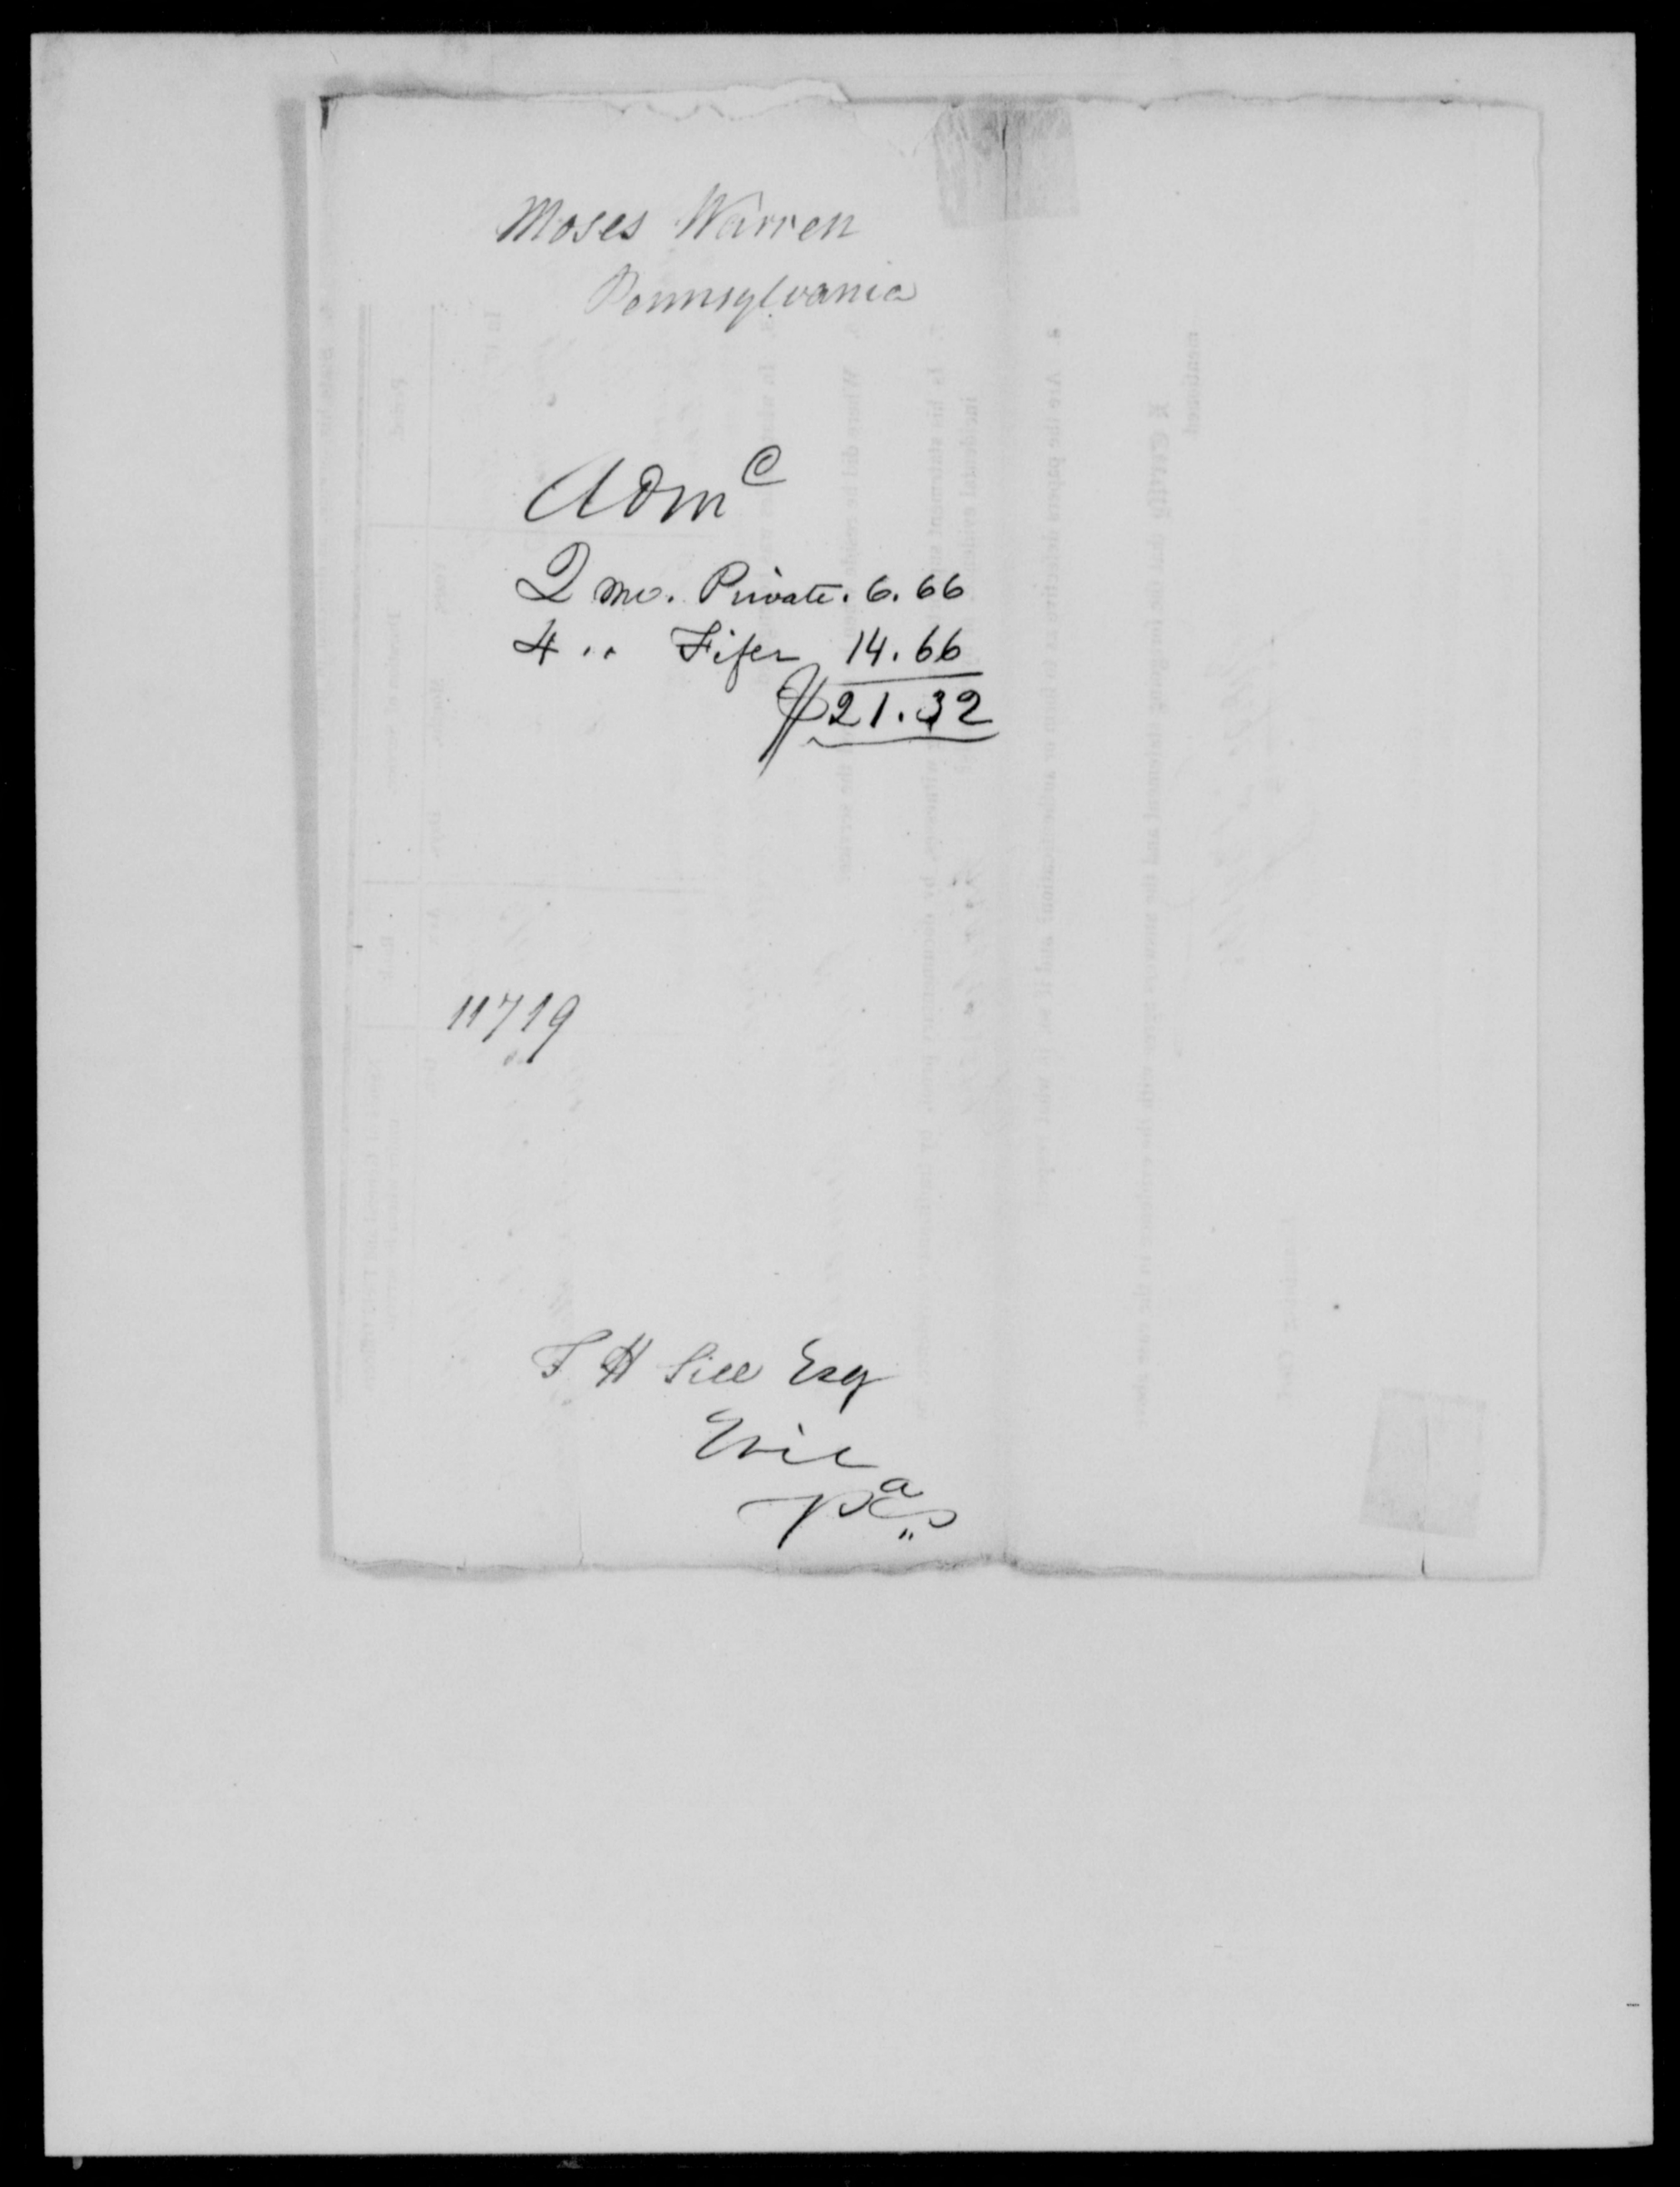Moses Warren
Pennsylvania
AOM C
2 mo. Private 6.66
4 " Fifer 14.66
$21.32


11719
S.H. Sill Esq
Erie
Pa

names: S H Sill, Moses Warren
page: 9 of 40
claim: widow's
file: W. 3742, Moses Warner, Conn.